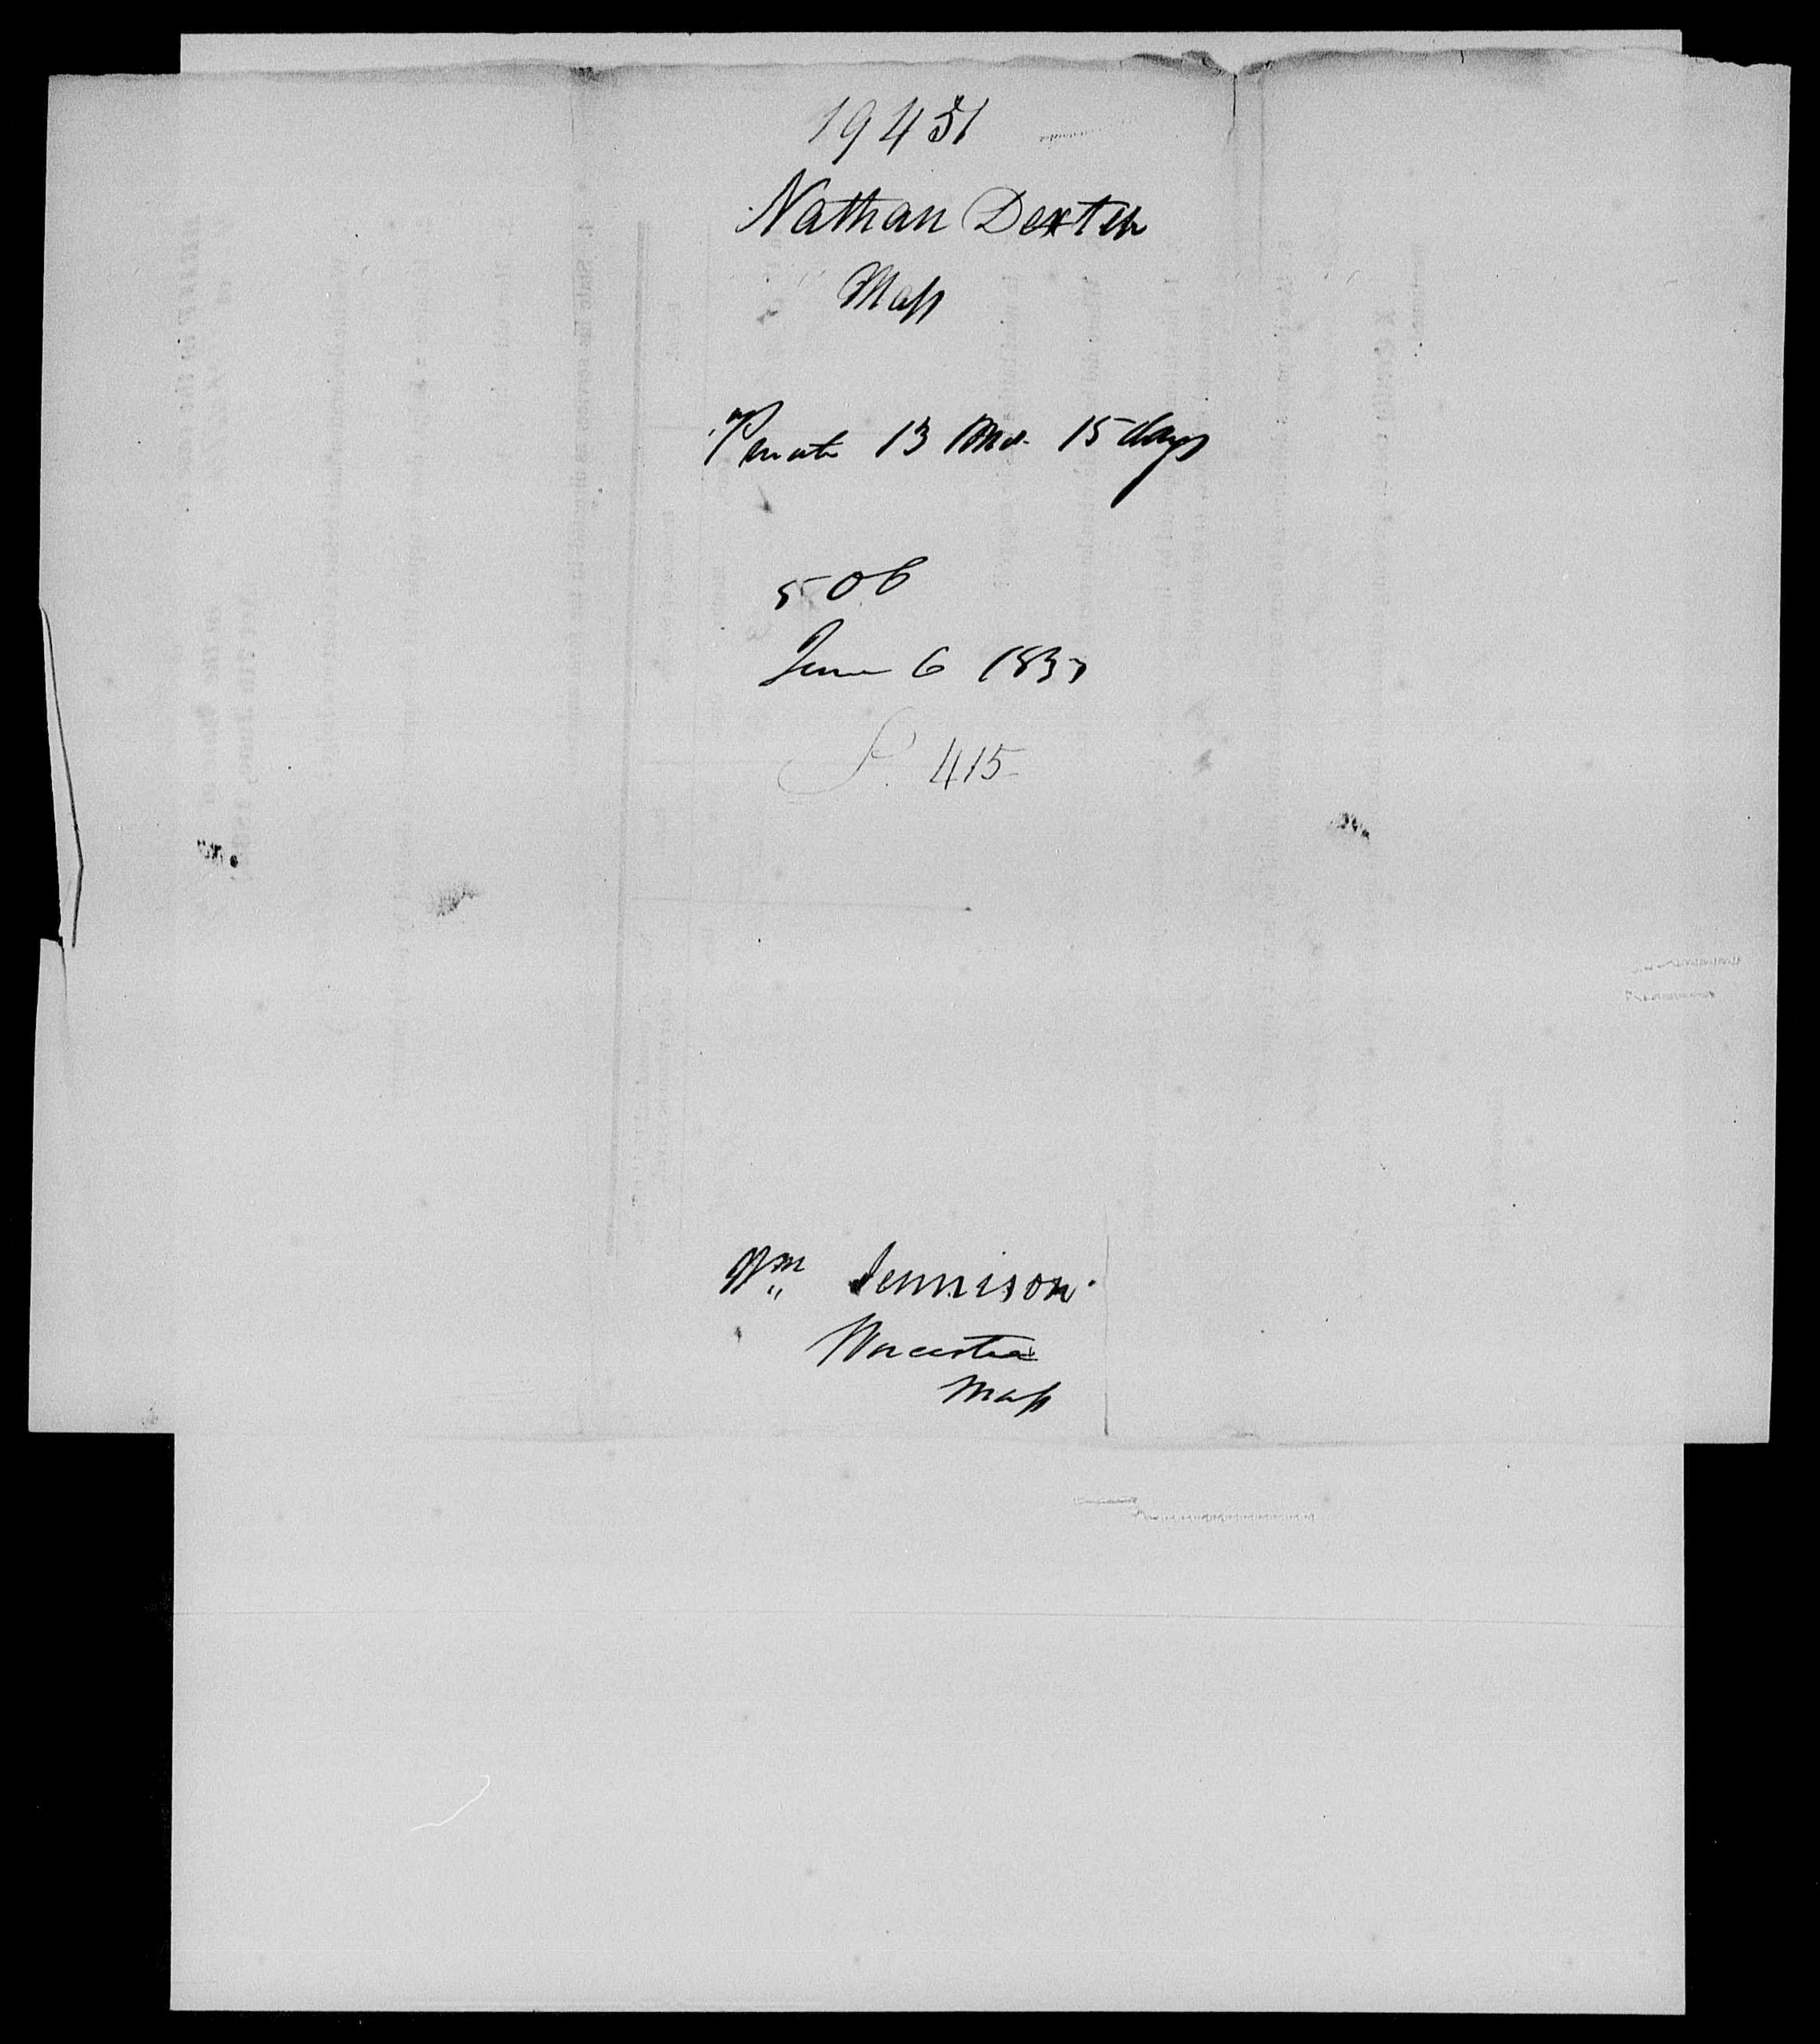19451
Nathan Dexter
Mass
Private 13 Mos. 15 days
June 6 1833
P 415

Wm. Jennison
Worcester
Mass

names: Wm Jennison, Nathan Dexter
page: 5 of 35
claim: survivor's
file: S. 18374, Nathan Dexter, R.I.